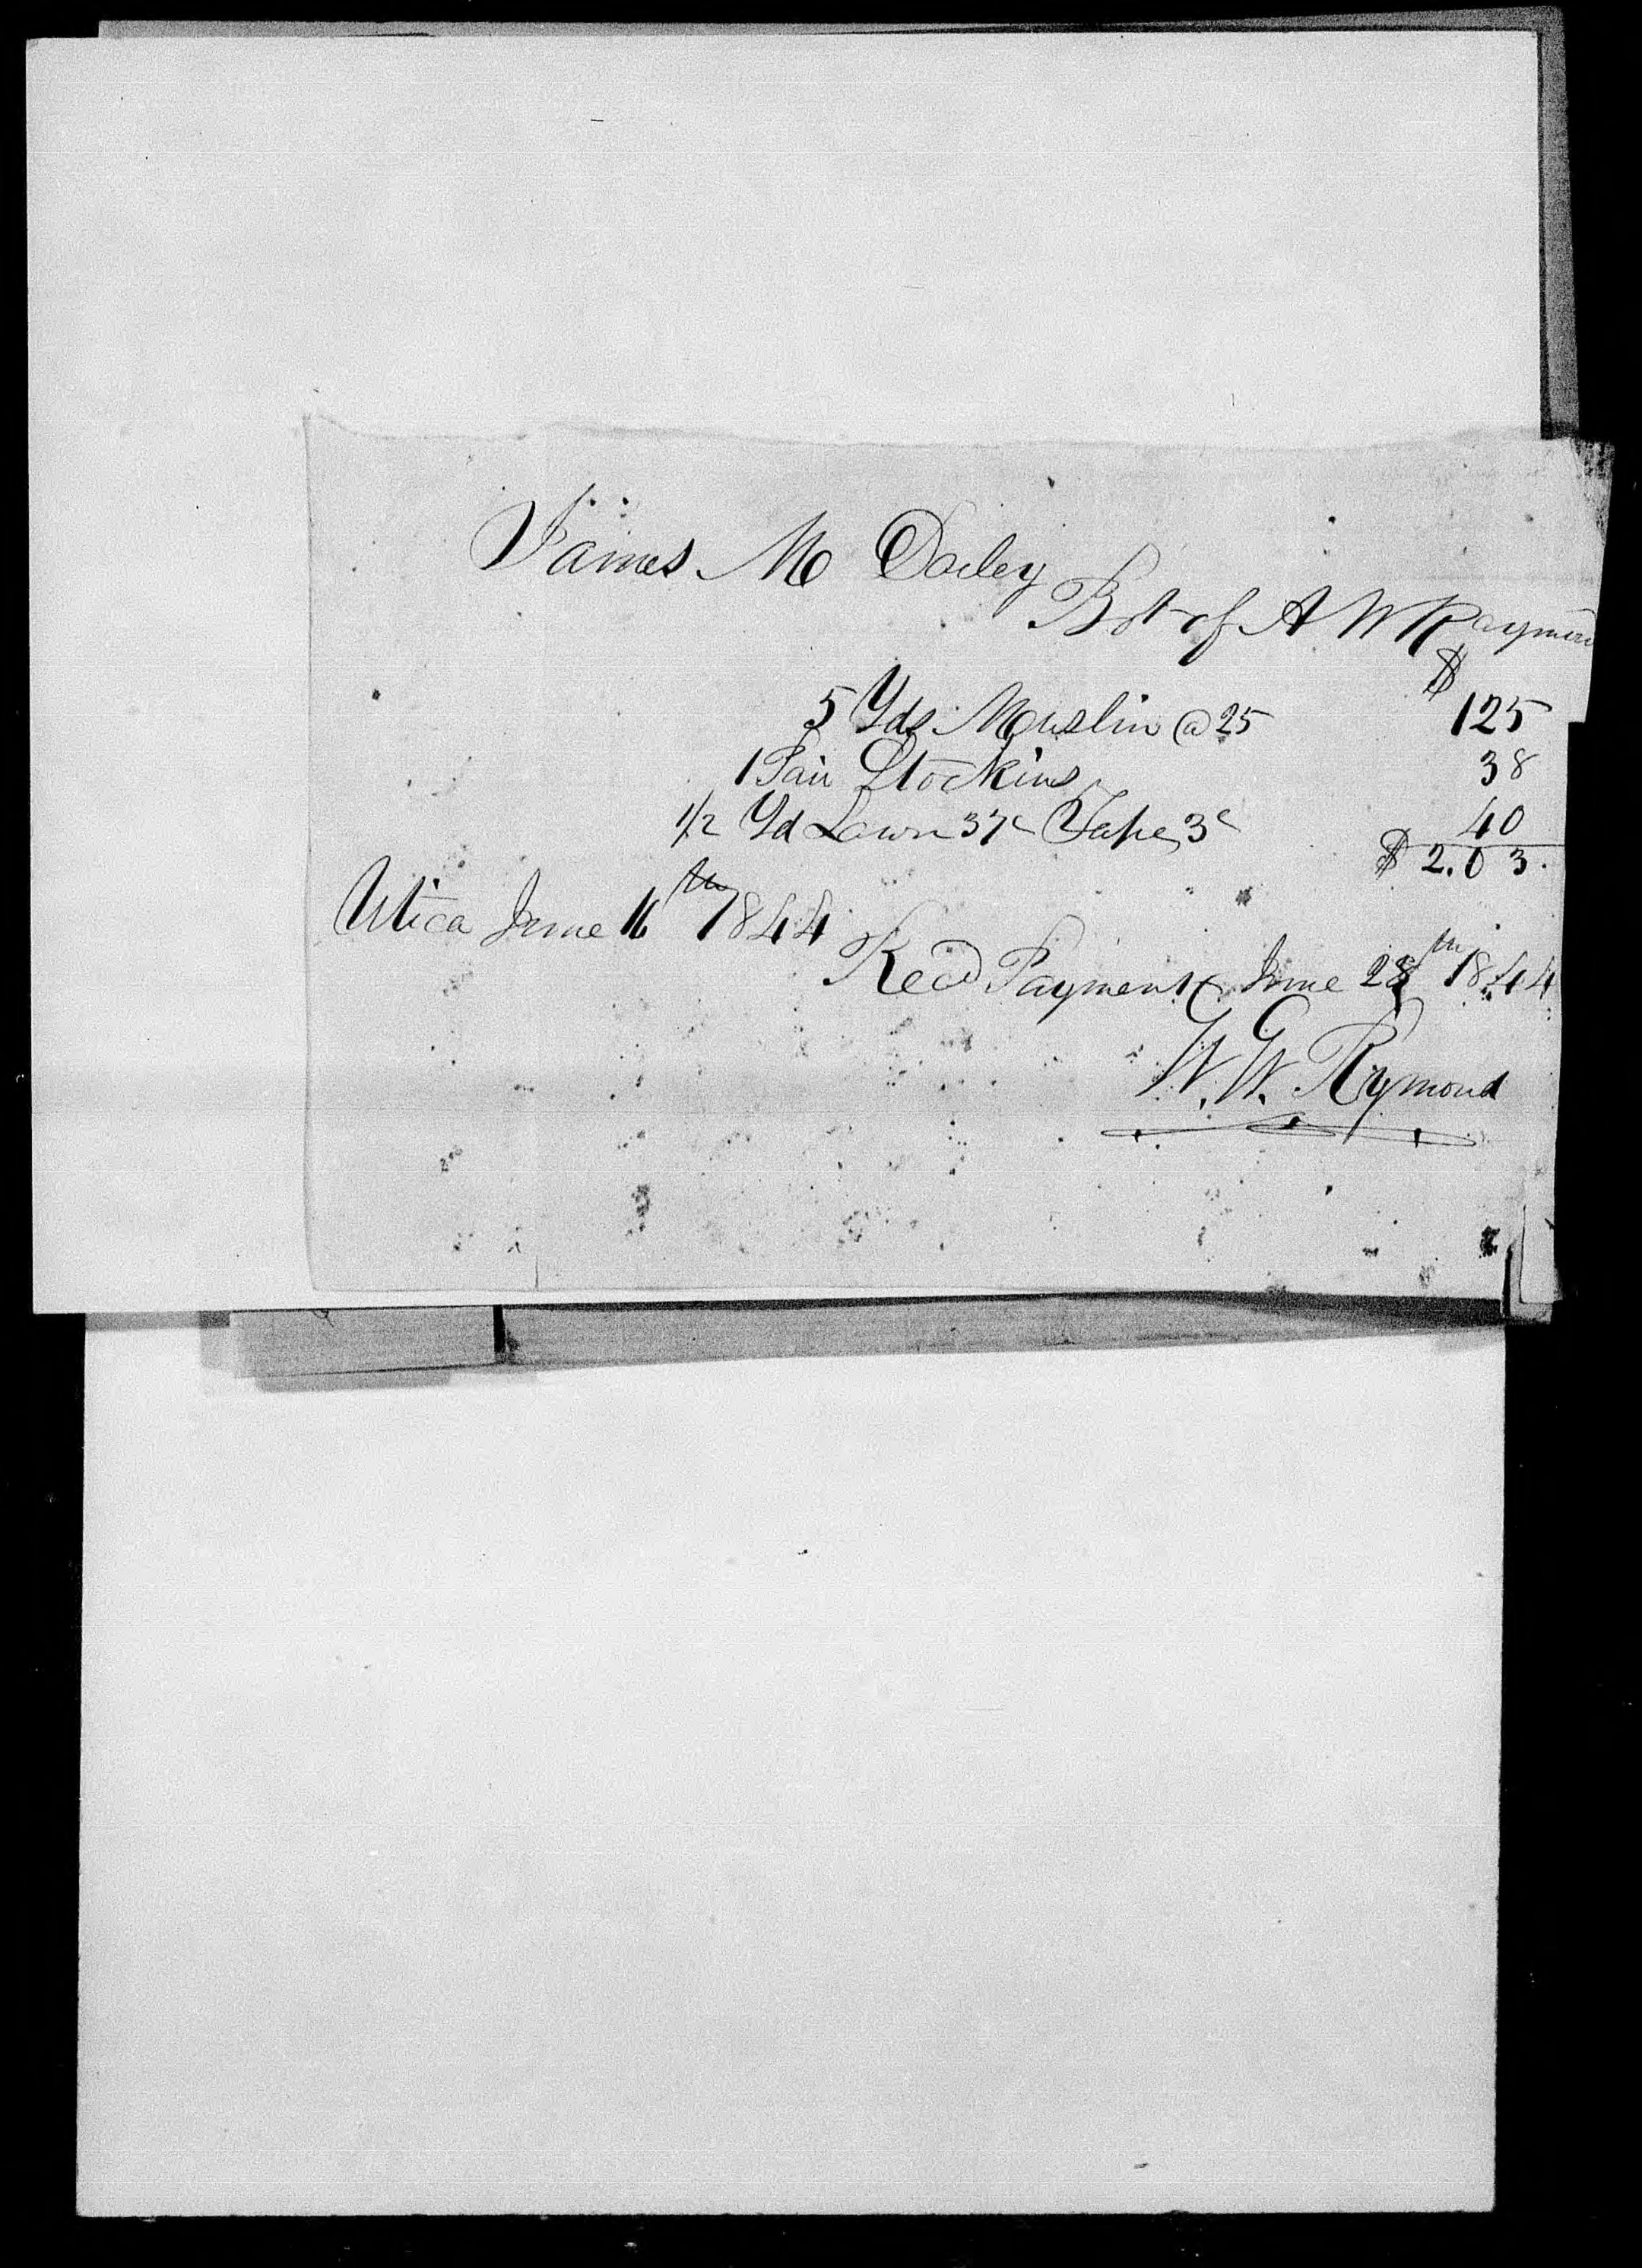James M Daley
Bot of A W Raymond

5 yds Muslin @25               $125
1 Pair Stockins                         38
1/2 Yd Lawn 37c  Tape 3c         40
                                             $2.03. 
Artica June 16th 1844
Recd Payment June 28th 1844
W. W. Raymond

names: A W Raymond, W W Rymond, James M Dailey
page: 7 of 63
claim: widow's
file: W. 3228, John Daly, Penn.